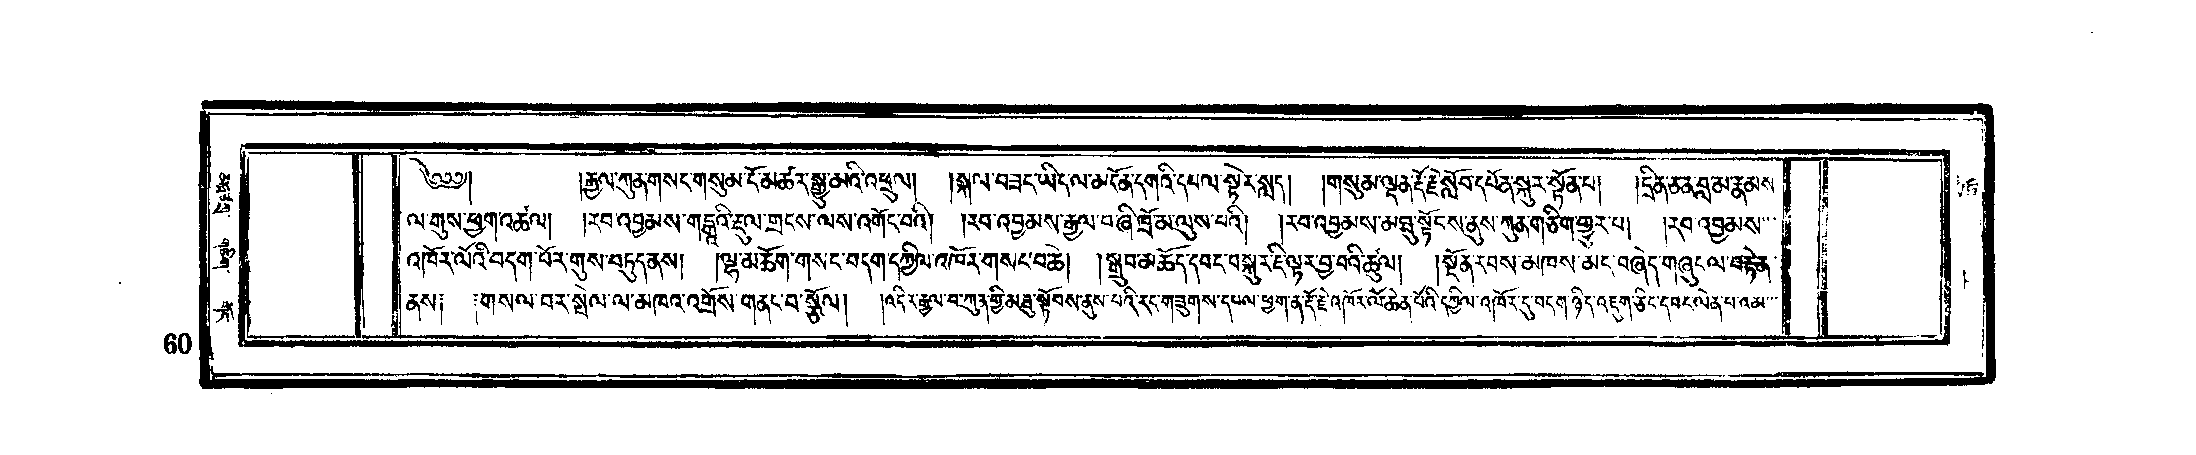༄༅། །རྒྱལ་ཀུན་གསང་གསུམ་ངོ་མཚར་སྒྱུ་མའི་འཕྲུལ། །སྐལ་བཟང་ཡིད་ལ་མངོན་དགའི་དཔལ་སྟེར་སླད། །གསུམ་ལྡན་རྡོ་རྗེ་སློབ་དཔོན་སྐུར་སྟོན་པ། །དྲིན་ཅན་བླ་མ་རྣམས་
ལ་གུས་ཕྱག་འཚལ། །རབ་འབྱམས་གངྒཱའི་རྡུལ་གྲངས་ལས་འགོང་བའི། །རབ་འབྱམས་རྒྱལ་བ་ཞི་ཁྲོ་མ་ལུས་པའི། །རབ་འབྱམས་མཐུ་སྟོངས་ནུས་ཀུན་གཅིག་གྱུར་པ། །རབ་འབྱམས་
འཁོར་ལོའི་བདག་པོར་གུས་བཏུད་ནས། །ལྷ་མཆོག་གསང་བདག་དཀྱིལ་འཁོར་གསང་བ་ཆེ། །སྒྲུབ་མཆོད་དབང་བསྐུར་ཇི་ལྟར་བྱ་བའི་ཚུལ། །སྔོན་རབས་མཁས་མང་བཞེད་གཞུང་ལ་བརྟེན་
ནས། །གསལ་བར་སྤེལ་ལ་མཁའ་འགྲོས་གནང་བ་སྩོལ། །འདིར་རྒྱལ་བ་ཀུན་གྱི་མཐུ་སྟོབས་ནུས་པའི་རང་གཟུགས་དཔལ་ཕྱག་ན་རྡོ་རྗེ་འཁོར་ལོ་ཆེན་པོའི་དཀྱིལ་འཁོར་དུ་བདག་ཉིད་འཇུག་ཅིང་དབང་ལེན་པའམ་